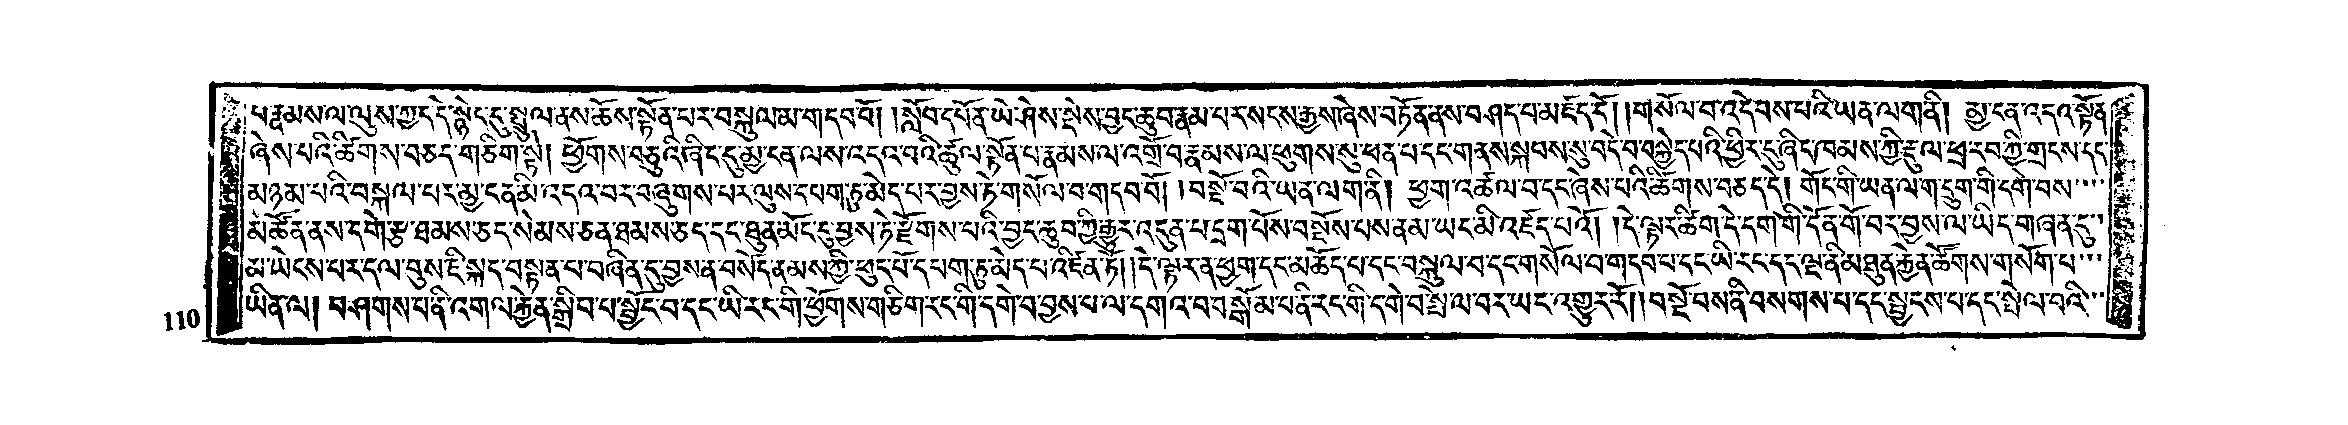པ་རྣམས་ལ་ལུས་ཀྱང་དེ་སྙེད་དུ་སྤྲུལ་ནས་ཆོས་སྟོན་པར་བསྐུལ་མ་གདབ་བོ། །སློབ་དཔོན་ཡེ་ཤེས་སྡེས་བྱང་ཆུབ་རྣམ་པར་སངས་རྒྱས་ཞེས་བཏོན་ནས་བཤད་པ་མཛད་དོ། །གསོལ་བ་འདེབས་པའི་ཡན་ལག་ནི། མྱ་ངན་འདའ་སྟོན་
ཞེས་པའི་ཚིགས་བཅད་གཅིག་སྟེ། ཕྱོགས་བཅུའི་ཞིང་དུ་མྱ་ངན་ལས་འདའ་བའི་ཚུལ་སྟོན་པ་རྣམས་ལ་འགྲོ་བ་རྣམས་ལ་ཕུགས་སུ་ཕན་པ་དང་གནས་སྐབས་སུ་བདེ་བ་བསྐྱེད་པའི་ཕྱིར་དུ་ཞིང་ཁམས་ཀྱི་རྡུལ་ཕྲ་རབ་ཀྱི་གྲངས་དང་
མཉམ་པའི་བསྐལ་པར་མྱ་ངན་མི་འདའ་བར་བཞུགས་པར་ལུས་དཔག་ཏུ་མེད་པར་བྱས་ཏེ་གསོལ་བ་གདབ་བོ། །བསྔོ་བའི་ཡན་ལག་ནི། ཕྱག་འཚལ་བ་དང་ཞེས་པའི་ཚིགས་བཅད་དེ། གོང་གི་ཡན་ལག་དྲུག་གི་དགེ་བས་
མཚོན་ནས་དགེ་རྩ་ཐམས་ཅད་སེམས་ཅན་ཐམས་ཅད་དང་ཐུན་མོང་དུ་བྱས་ཏེ་རྫོགས་པའི་བྱང་ཆུབ་ཀྱི་རྒྱུར་འདུན་པ་དྲག་པོས་བསྔོས་པས་ནམ་ཡང་མི་འཛད་པའོ། །དེ་ལྟར་ཚིག་དེ་དག་གི་དོན་གོ་བར་བྱས་ལ་ཡིད་གཞན་དུ་
མ་ཡེངས་པར་དལ་བུས་ཇི་སྐད་བསྟན་པ་བཞིན་དུ་བྱས་ན་བསོད་ནམས་ཀྱི་ཕུང་པོ་དཔག་ཏུ་མེད་པ་འཛིན་ཏོ། །དེ་ལྟར་ན་ཕྱག་དང་མཆོད་པ་དང་བསྐུལ་བ་དང་གསོལ་བ་གདབ་པ་དང་ཡི་རང་དང་ལྔ་ནི་མཐུན་རྐྱེན་ཚོགས་གསོག་པ་
ཡིན་ལ། བཤགས་པ་ནི་འགལ་རྐྱེན་སྒྲིབ་པ་སྦྱོང་བ་དང་ཡི་རང་གི་ཕྱོགས་གཅིག་རང་གི་དགེ་བ་བྱས་པ་ལ་དགའ་བ་བསྒོམ་པ་ནི་རང་གི་དགེ་བ་སྤེལ་བར་ཡང་འགྱུར་རོ། །བསྔོ་བས་ནི་བསགས་པ་དང་སྦྱངས་པ་དང་སྤེལ་བའི་